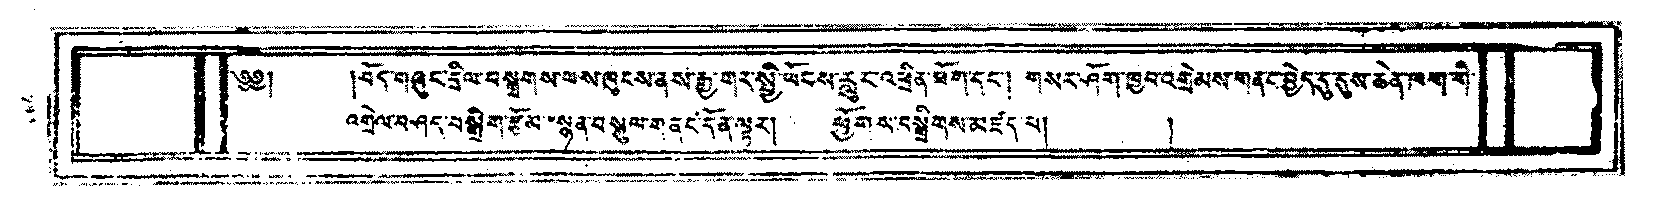༄༅། །བོད་གཞུང་དྲིལ་བསྒྲགས་ལས་ཁུངས་ནས་རྒྱ་གར་སྤྱི་ཡོངས་རླུང་འཕྲིན་ཐོག་དང་། གསར་ཤོག་ཁྱབ་འགྲེམས་གནང་བྱེད་དུ་དུས་ཆེན་ཁག་གི་
འགྲེལ་བཤད་བསྒྲིག་རྩོམ་༧སྙན་བསྐུལ་གནང་དོན་ལྟར། ཕྱོགས་བསྒྲིགས་མཛད་པ། །